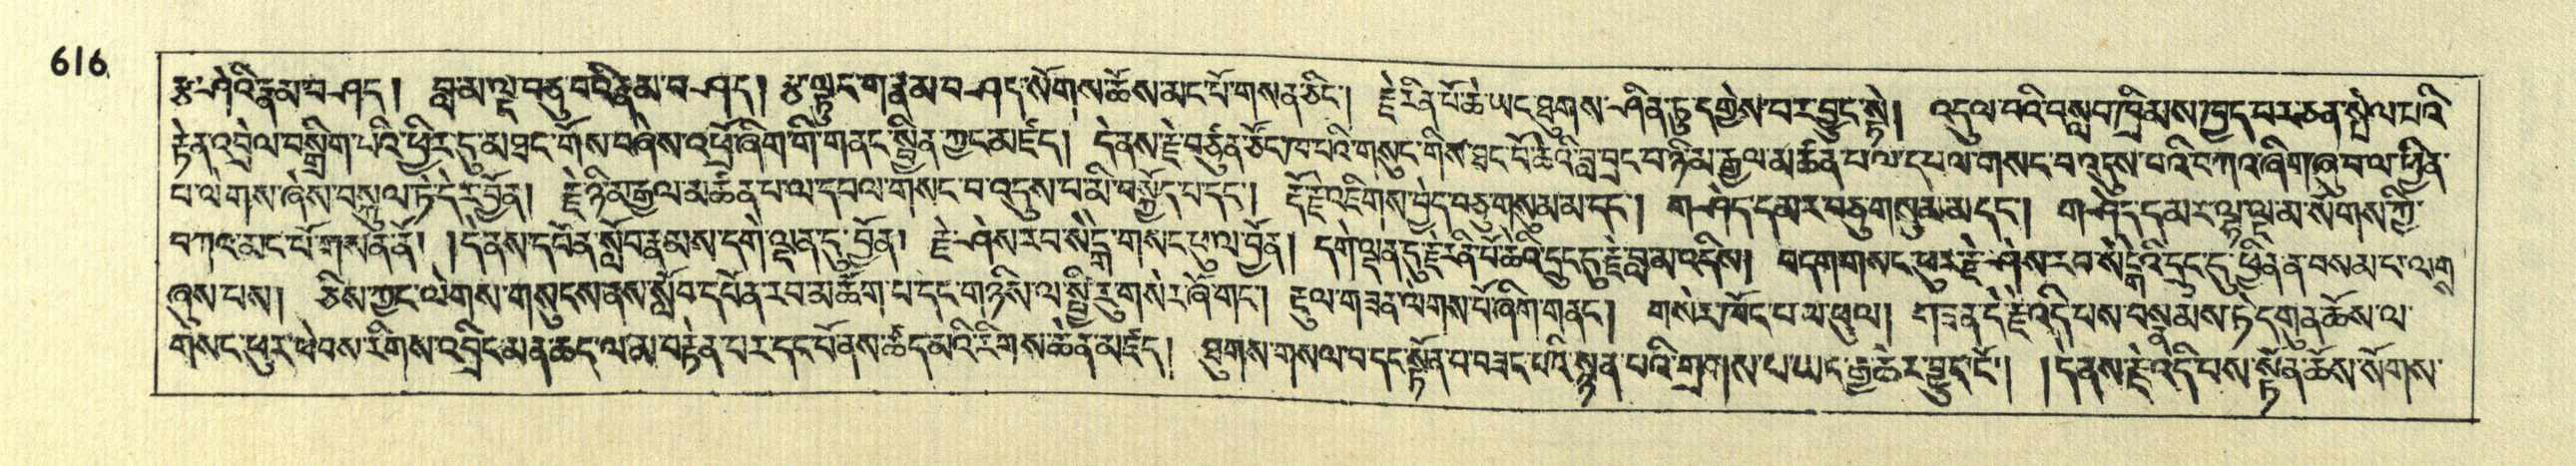རྩ་ཤེའི་རྣམ་བཤད། བླ་མ་ལྔ་བཅུ་བའི་རྣམ་བཤད། རྩ་ལྟུང་ག་ནམ་བཤད་སོགས་ཆོས་མང་པོ་གསན་ཅིང་། རྗེ་རིན་པོ་ཆེ་ཡང་ཐུགས་ཤིན་ཏུ་དགྱེས་བར་བྱུང་སྟེ། འདུལ་བའི་བསླབ་ཁྲིམས་ཁྱད་པར་ཅན་སྤེལ་པའི་
རྟེན་འབྲེལ་བསྒྲིག་པའི་ཕྱིར་དུ་མཐང་གོས་བཞེས་འཕྲོ་ཞིག་གི་གནང་སྦྱིན་ཀྱང་མཛད། དེ་ནས་རྗེ་བཙུན་ཙོང་ཁ་པའི་གསུང་གིས་ཐང་བོ་ཆེའི་བླ་བྲང་བ་ཉི་མ་རྒྱལ་མཚན་པ་ལ་དཔལ་གསང་བ་འདུས་པའི་བཀའ་ཞིག་ཞུ་བ་ལ་ཕྱིན་
པ་ལེགས་ཞེས་བསྐུལ་ཏེ་དེར་བྱོན། རྗེ་ཉི་མ་རྒྱལ་མཚན་པ་ལ་དཔལ་གསང་བ་འདུས་པ་མི་བསྐྱོད་པ་དང་། རྡོ་རྗེ་འཇིགས་བྱེད་བཅུ་གསུམ་མ་དང་། གཤེད་དམར་བཅུ་གསུམ་མ་དང་། གཤེད་དམར་ལྷ་ལྔ་མ་སོགས་ཀྱི་
བཀའ་མང་པོ་གསན་ནོ། །དེ་ནས་དབོན་སློབ་རྣམས་དགེ་ལྡན་དུ་བྱོན། རྗེ་ཤེས་རབ་སེངྒེ་གསང་ཕུ་ལ་བྱོན། དགེ་ལྡན་དུ་རྗེ་རིན་པོ་ཆེའི་དྲུང་དུ་རྗེ་བླ་མ་འདིས། བདག་གསང་ཕུར་རྗེ་ཤེས་རབ་སེངྒེའི་དྲུང་དུ་ཕྱིན་ན་བསམ་པ་ལགས་
ཞུས་པས། ཅིས་ཀྱང་ལེགས་གསུངས་ནས་སློབ་དཔོན་རབ་མཆོག་པ་དང་གཉིས་ལ་སྤྱི་རུ་གསེར་ཞོ་གང་། རྡུལ་གཟང་ལེགས་པོ་ཞིག་གནང་། གསེར་ཁོད་པ་ལ་ཕུལ། གཟན་དེ་རྗེ་འདི་པས་བསྣམས་ཏེ་དགུན་ཆོས་ལ་
གསང་ཕུར་ཕེབས་རིགས་འབྲིང་མན་ཆད་ལ་མ་བརྟེན་པར་དང་པོ་ནས་ཚད་མའི་རིགས་ཆེན་མཛད། ཐུགས་གསལ་བ་དང་སྟོན་བ་བཟང་པའི་སྙན་པའི་གྲགས་པ་ཡང་རྒྱ་ཆེར་བྱུང་ངོ། །དེ་ནས་རྗེ་འདི་བས་སྟོན་ཆོས་སོགས་